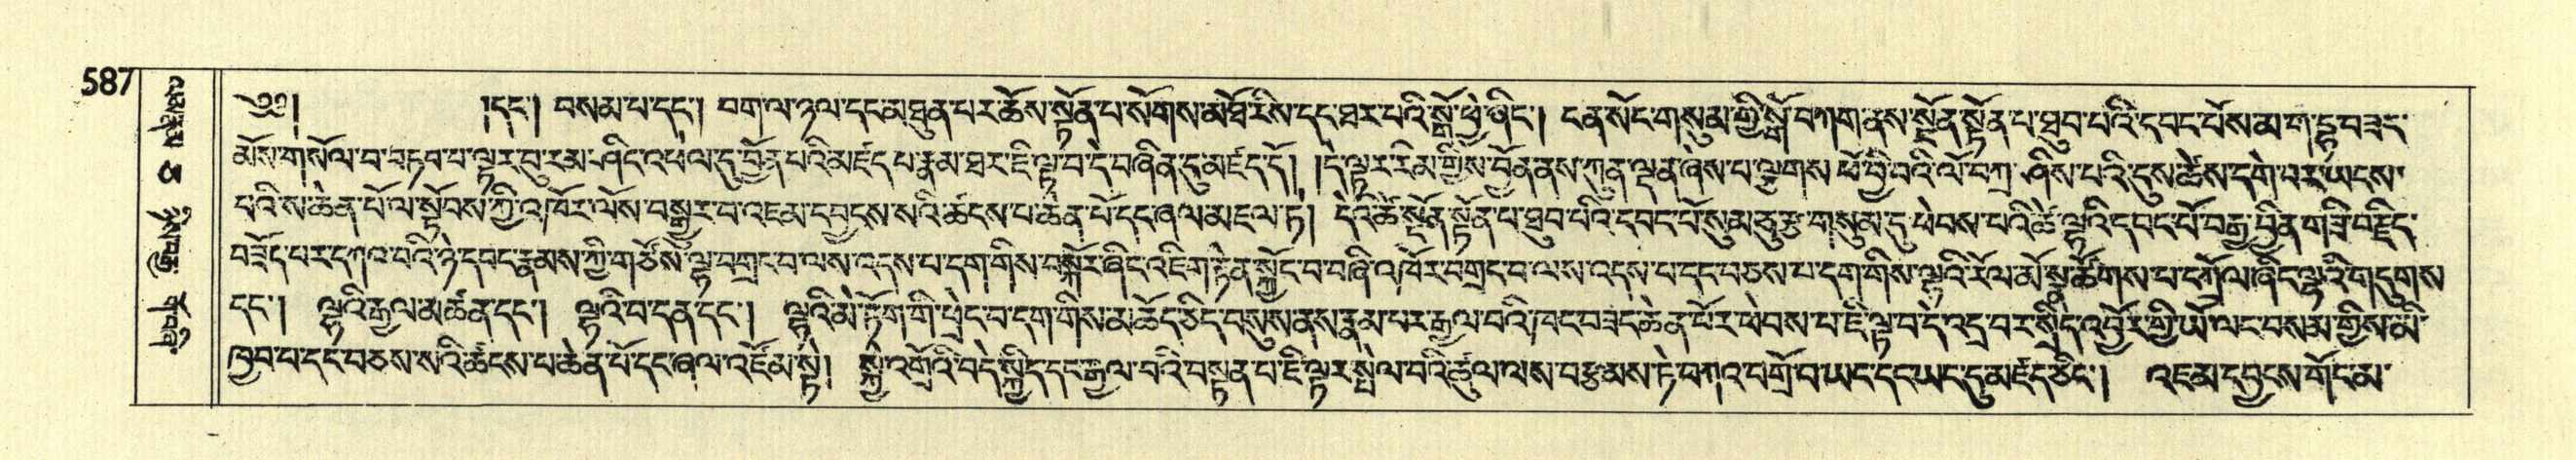༄༅། །དང་། བསམ་པ་དང་། བག་ལ་ཉལ་དང་མཐུན་པར་ཆོས་སྟོན་པ་སོགས་མཐོ་རིས་དང་ཐར་པའི་སྒོ་ཕྱེ་ཞིང་། ངན་སོང་གསུམ་གྱི་སྒོ་བཀག་ནས་སྔོན་སྟོན་པ་ཐུབ་པའི་དབང་པོས་མ་ག་དྷ་བཟང་
མོས་གསོལ་བ་བཏབ་པ་ལྟར་བུ་རམ་ཤིང་འཕེལ་དུ་བྱོན་པའི་མཛད་པ་རྣམ་ཐར་ཇི་ལྟ་བ་དེ་བཞིན་དུ་མཛད་དོ། །དེ་ལྟར་རིམ་གྱིས་བྱོན་ནས་ཀུན་ལྡན་ཞེས་པ་ལྕགས་ཕོ་བྱི་བའི་ལོ་བཀྲ་ཤིས་པའི་དུས་ཚེས་དགེ་པར་ཡངས་
པའི་ས་ཆེན་པོ་ལ་སྟོབས་ཀྱི་འཁོར་ལོས་བསྒྱུར་བ་འཇམ་དབྱངས་སའི་ཚངས་པ་ཆེན་པོ་དང་ཞལ་མཇལ་ཏེ། དེའི་ཚེ་སྔོན་སྟོན་པ་ཐུབ་པའི་དབང་པོ་སུམ་ཅུ་རྩ་གསུམ་དུ་ཕེབས་པའི་ཚེ་ལྷའི་དབང་པོ་བརྒྱ་བྱིན་གཟི་བརྗིད་
བཟོད་པར་དཀའ་བའི་ཉེ་དབང་རྣམས་ཀྱི་གཙོས་ལྷ་བགྲང་བ་ལས་འདས་པ་དག་གིས་བསྐོར་ཞིང་འཇིག་རྟེན་སྐྱོང་བ་བཞི་འཁོར་བགྲང་བ་ལས་འདས་པ་དང་བཅས་པ་དག་གིས་ལྷའི་རོལ་མོ་སྣ་ཚོགས་པ་དཀྲོལ་ཞིང་ལྷའི་གདུགས་
དང་། ལྷའི་རྒྱལ་མཚན་དང་། ལྷའི་བ་དན་དང་། ལྷའི་མེ་ཏོག་གི་ཕྲེང་བ་དག་གིས་མཆོད་ཅིང་བསུས་ནས་རྣམ་པར་རྒྱལ་བའི་ཁང་བཟང་ཆེན་པོར་ཕེབས་པ་ཇི་ལྟ་བ་དེ་འདྲ་བར་སྲིད་འབྱོར་གྱི་ཡོ་ལང་བསམ་གྱིས་མི་
ཁྱབ་པ་དང་བཅས་སའི་ཚངས་པ་ཆེན་པོ་དང་ཞལ་འཛོམ་སྟེ། སྐྱེ་འགྲོའི་བདེ་སྐྱིད་དང་རྒྱལ་བའི་བསྟན་པ་ཇི་ལྟར་སྤེལ་བའི་ཚུལ་ལས་བརྩམས་ཏེ་བཀའ་བགྲོ་བ་ཡང་དང་ཡང་དུ་མཛད་ཅིང་། འཇམ་དབྱངས་གོང་མ་